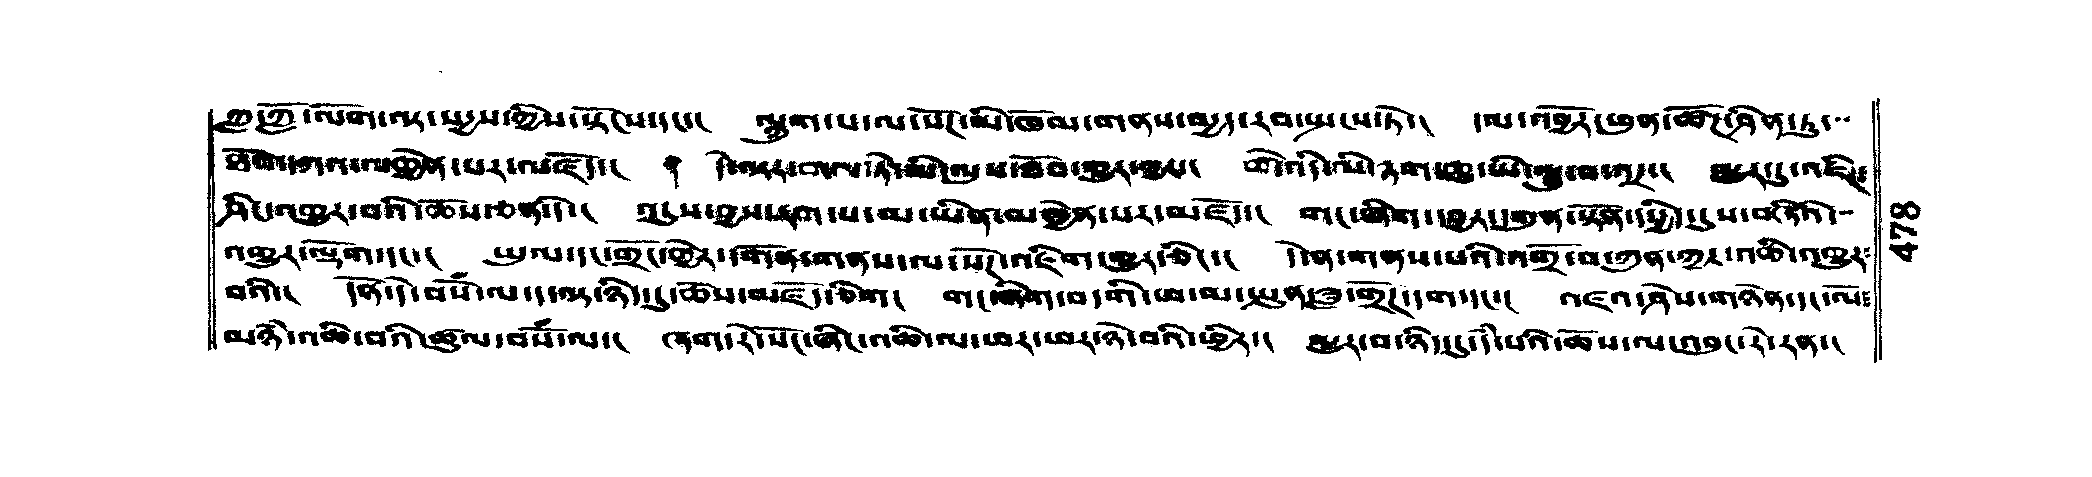ཀླ་ཀློ་ལོག་ལྟ་སངས་རྒྱས་ཀྱིས་སྟོངས་དང་། །ལྐུག་པ་ལ་སོགས་མི་ཁོམ་གནས་བརྒྱད་རབ་སྤངས་ཏེ། །དལ་འབྱོར་ཕུན་ཚོགས་ཤིན་ཏུ་
ཐོབ་དཀའ་མཁྱེན་པར་མཛོད། །དེ་ལྟར་གལ་ཏེ་མི་ལུས་ཐོབ་གྱུར་ཀྱང་། །ཚེ་འདི་མི་རྟག་ཆུ་ཡི་སྦུ་བ་འདྲ། །མྱུར་དུ་འཇིགས་
ཤིང་འགྱུར་བའི་ཆོས་ཅན་དེ། །འདུས་བྱས་རྟག་པ་མ་ཡིན་མཁྱེན་པར་མཛོད། །གང་ཞིག་དབྱར་དགུན་སྟོན་དཔྱིད་དུས་བཞིའི་
འགྱུར་ལྡོག་དང་། །ཡུལ་དང་གྲོང་ཁྱེར་དགོན་གནས་ལ་སོགས་འཇིག་གྱུར་ཅིང་། །དེ་ན་གནས་པའི་འགྲོ་བ་ཀུན་ཀྱང་འཆི་འགྱུར་
བའི། །དོན་དེ་སོམ་ལ་ད་ལྟ་ཉིད་དུ་ཆོས་མཛོད་ཅིག །གང་ཞིག་བདག་གི་ཕ་མ་སྤུན་ཟླ་གྲོགས་དག་དང་། །འཛའ་བཤེས་གཉེན་དང་ལོ་
མཉམ་འཆི་བའི་ཚུལ་སོམས་ལ། །ཞག་རེ་སོང་ཞིང་འཆི་ལ་ཕར་ཕར་ཉེ་བའི་ཕྱིར། །མྱུར་བ་ཉིད་དུ་དམ་པའི་ཆོས་ལ་འབུངས་རེ་རན།